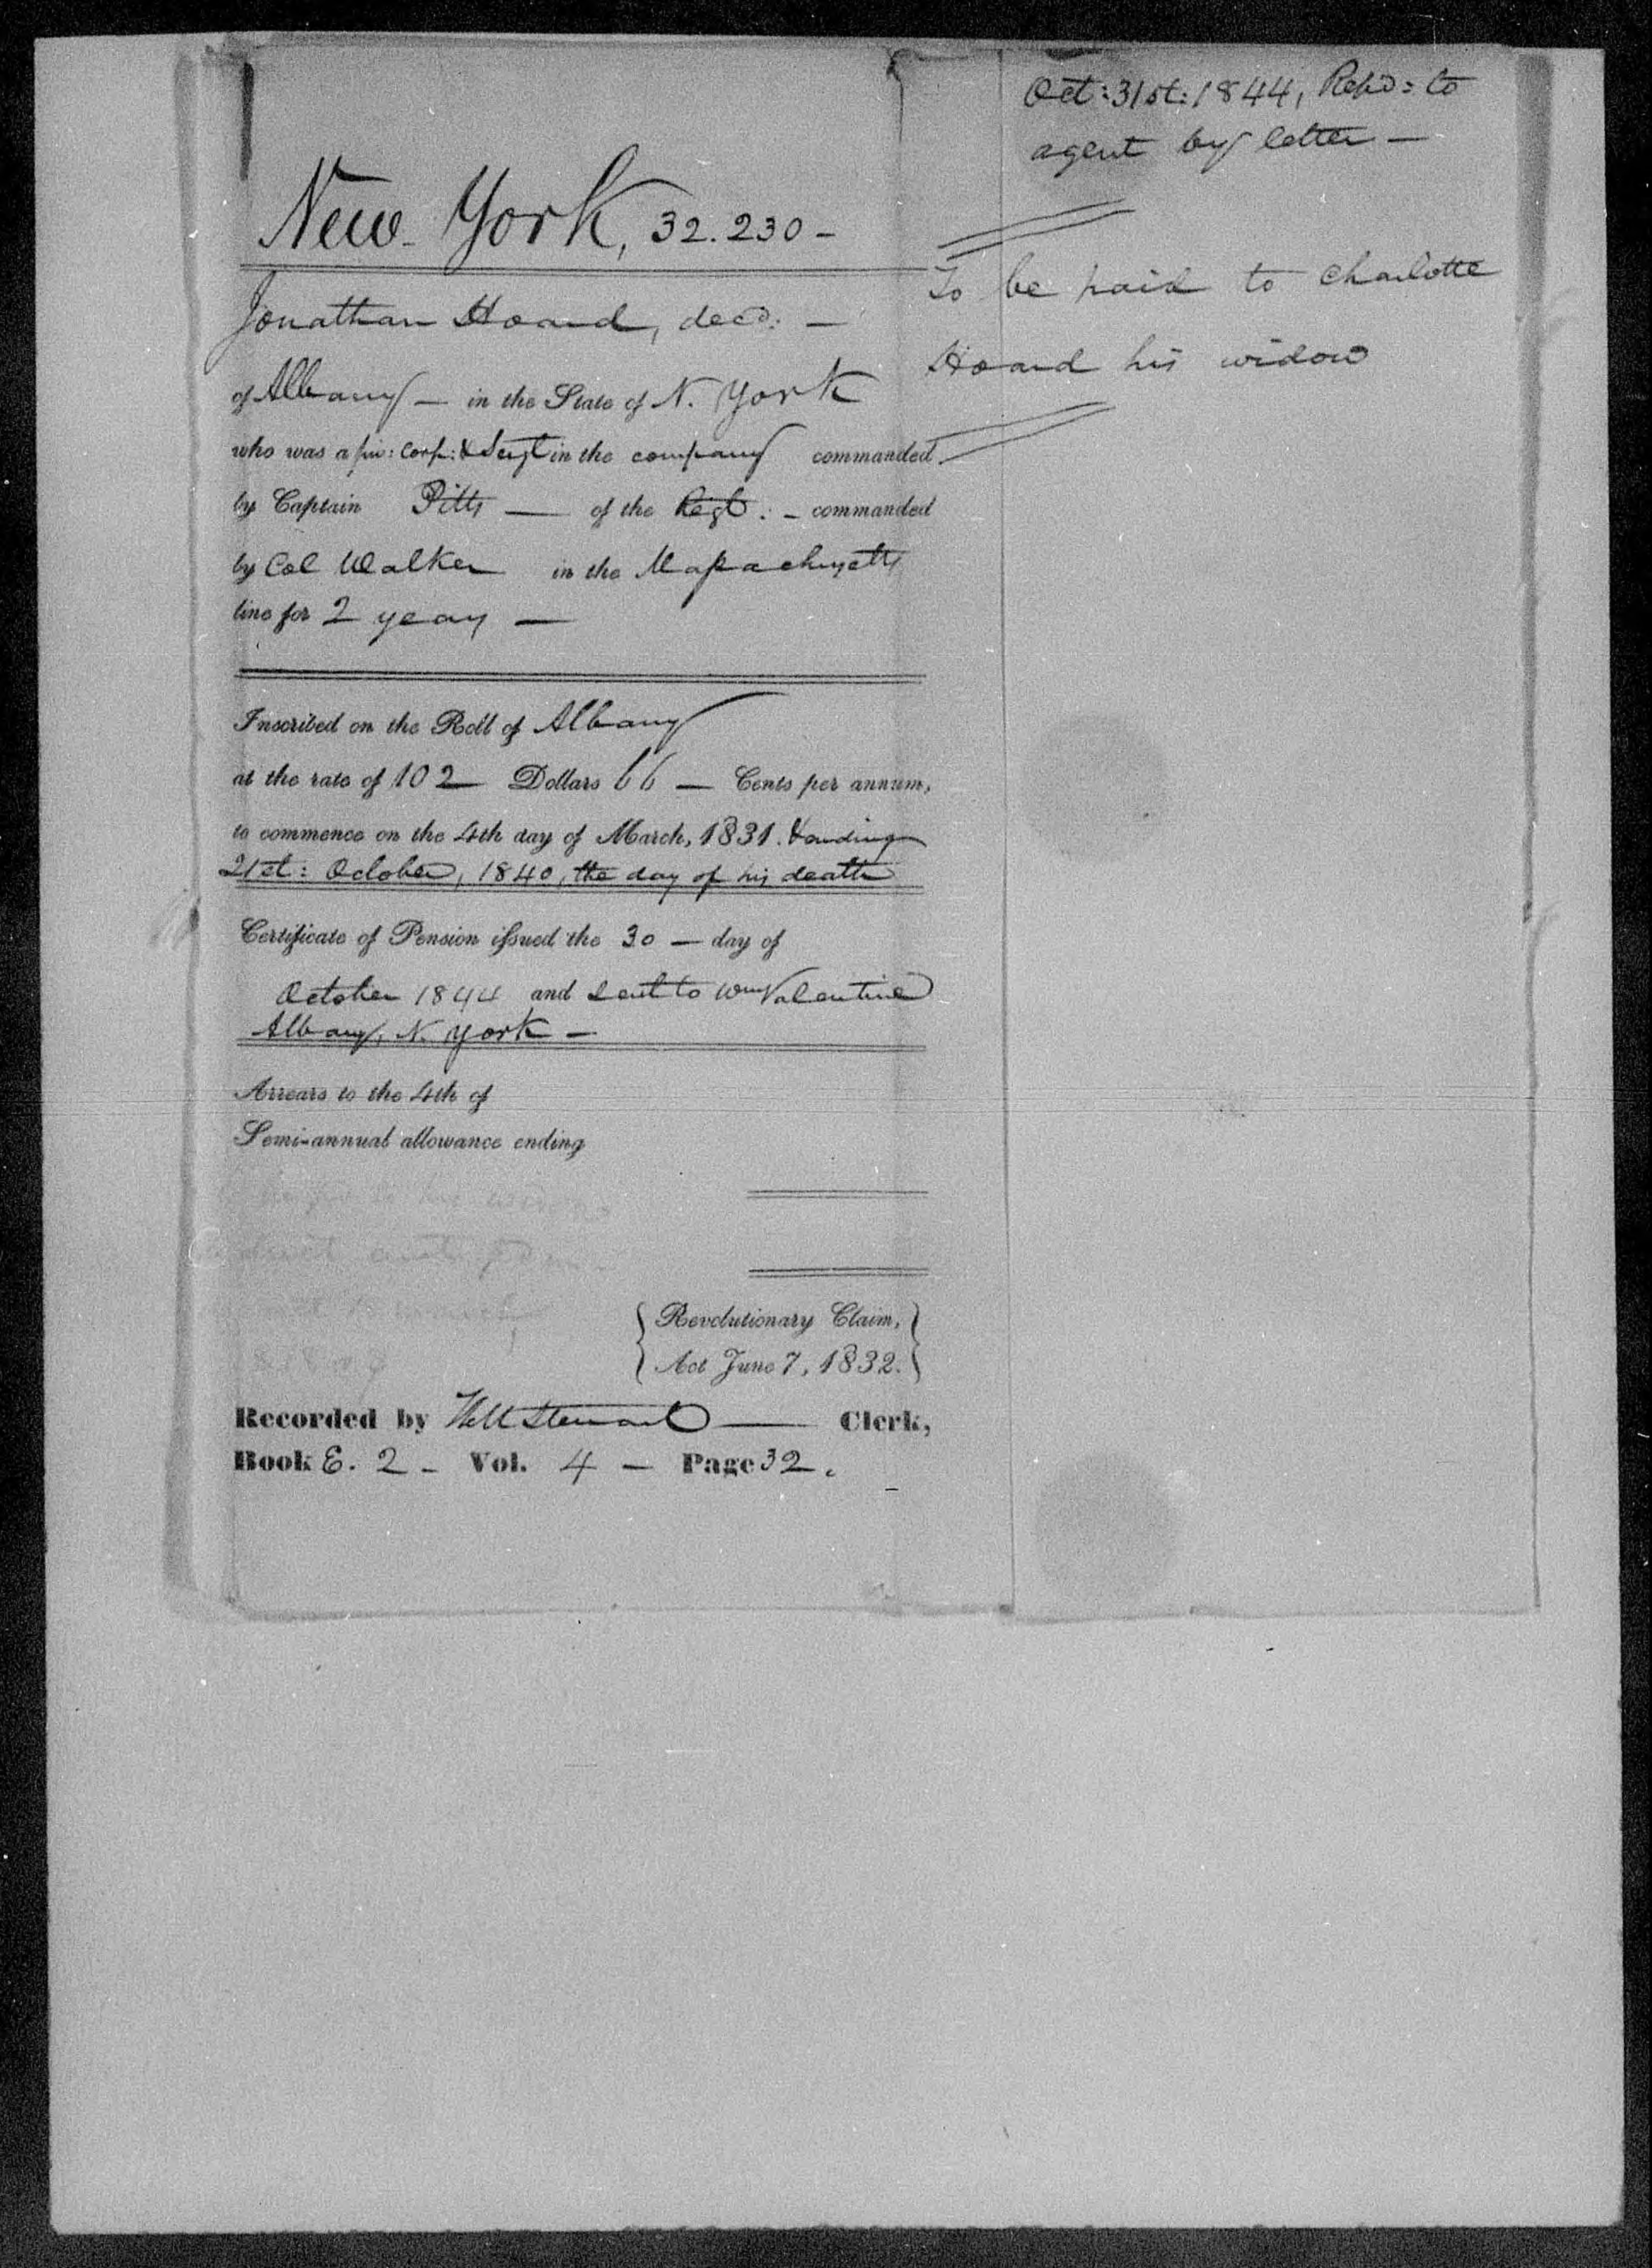[page 1]
New York, 32.230-
=======
Jonathan Hoard, decd:-
of Albany in the State of N. York
who was a priv: Corp: & Sergt in the company commanded
by Captain Pitts of the Regt. commanded
by Col Walker in the Massachusetts
line for 2 years - 
========
Inscribed on the Roll of Albany 
at the rate of 102 Dollars 66 Cents per annum,
to commence on the 4th day of March, 1831. & ending
21st: October, 1840, the day of his death
========
Certificate of Pension issued the 30 day of
October 1844 and sent to Wm Valentine
Albany, N. York
========
Arrears to the 4th of
Semi-annual allowance ending

A benefit to his widow   =======
deduct and paid[?] [illegible] =======
Adjust to which  {Revolutionary Claim,}
$18.29  {Act June 7, 1832.}

Recorded by WM Stewart Clerk,
Book E.2 Vol. 4 Page 32.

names: Wm Valentine, Charlotte Hoard, Walker, W M Stewart, Jonathan Hoard, Pitts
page: 3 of 52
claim: widow's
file: W 19755, Jonathan Hoard, Mass.